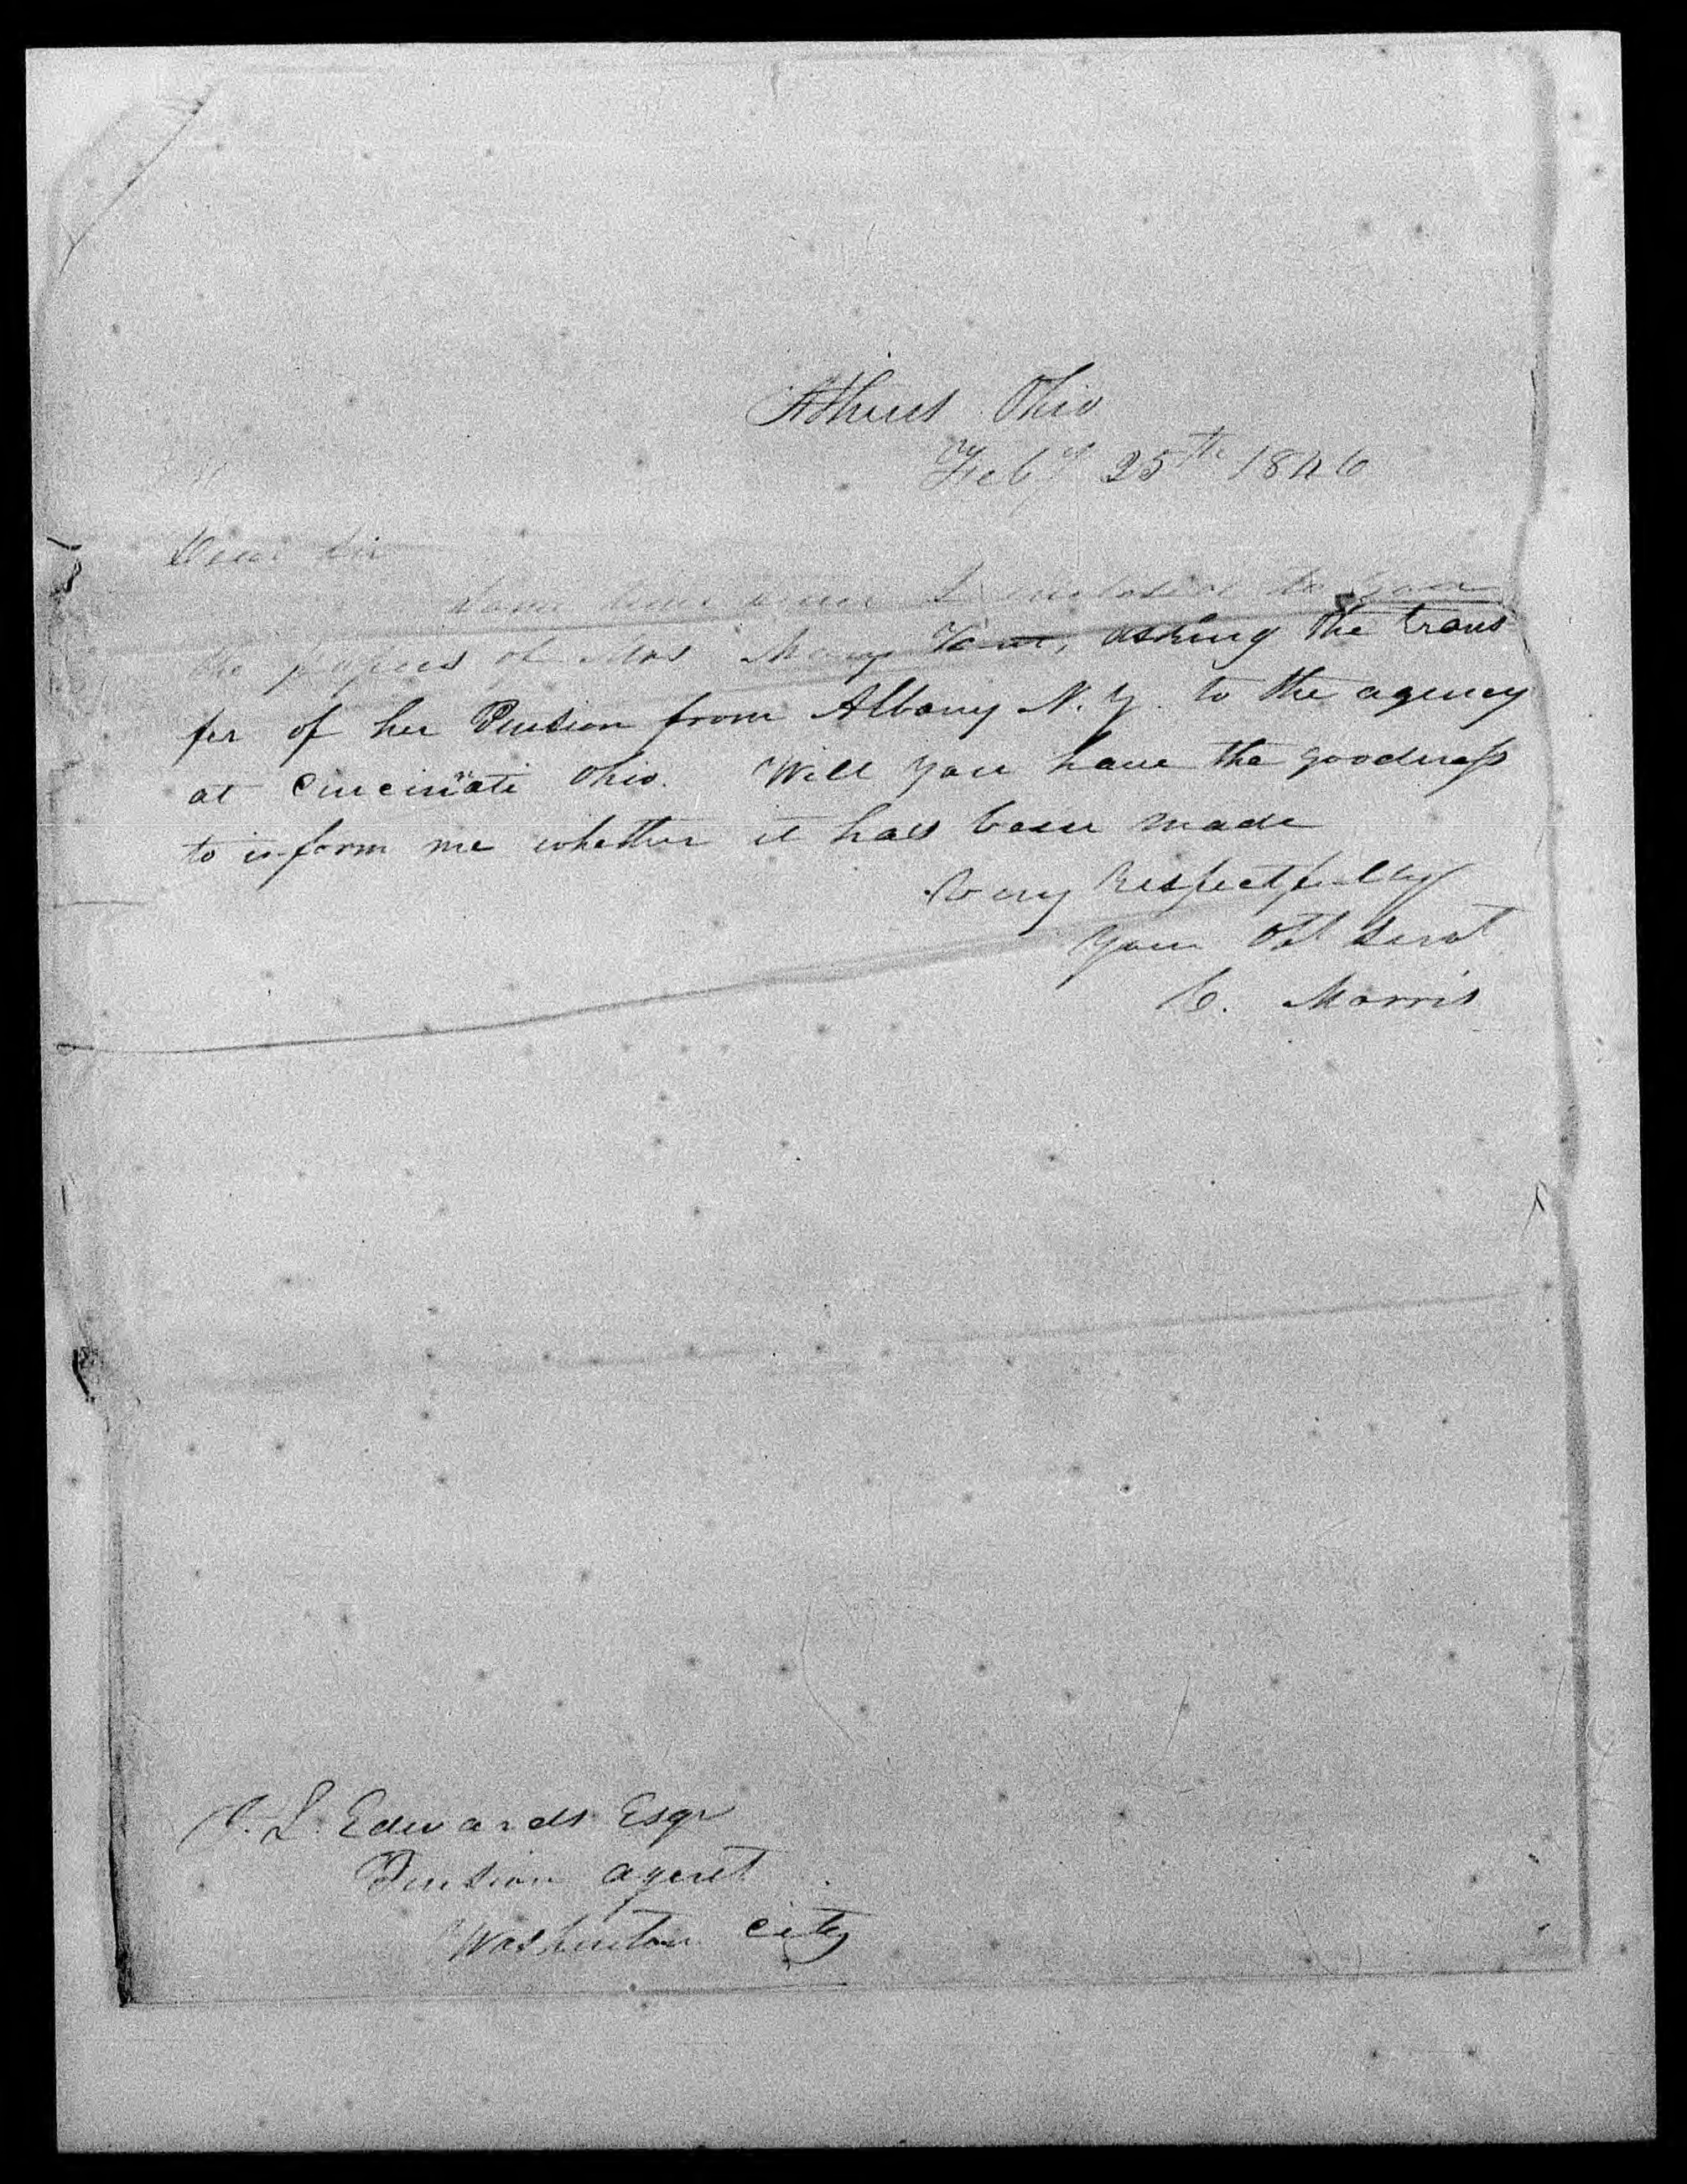Athens Ohio
Feb 25th 1846

Dear Sir
Some time since I enclosed to you the papers of Mrs Mary Kent, asking the transfer of her Pension from Albany N. Y. to the agency at Cincinnati Ohio. Will you have the goodnefs to inform me whether it has been made
Very Respectfully
Your Obt Servt
C. Morris

J. L. Edwards Esqr
Pension agent
Washington City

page: 27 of 50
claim: widow's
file: W. 4253, for John Kent, Vermont